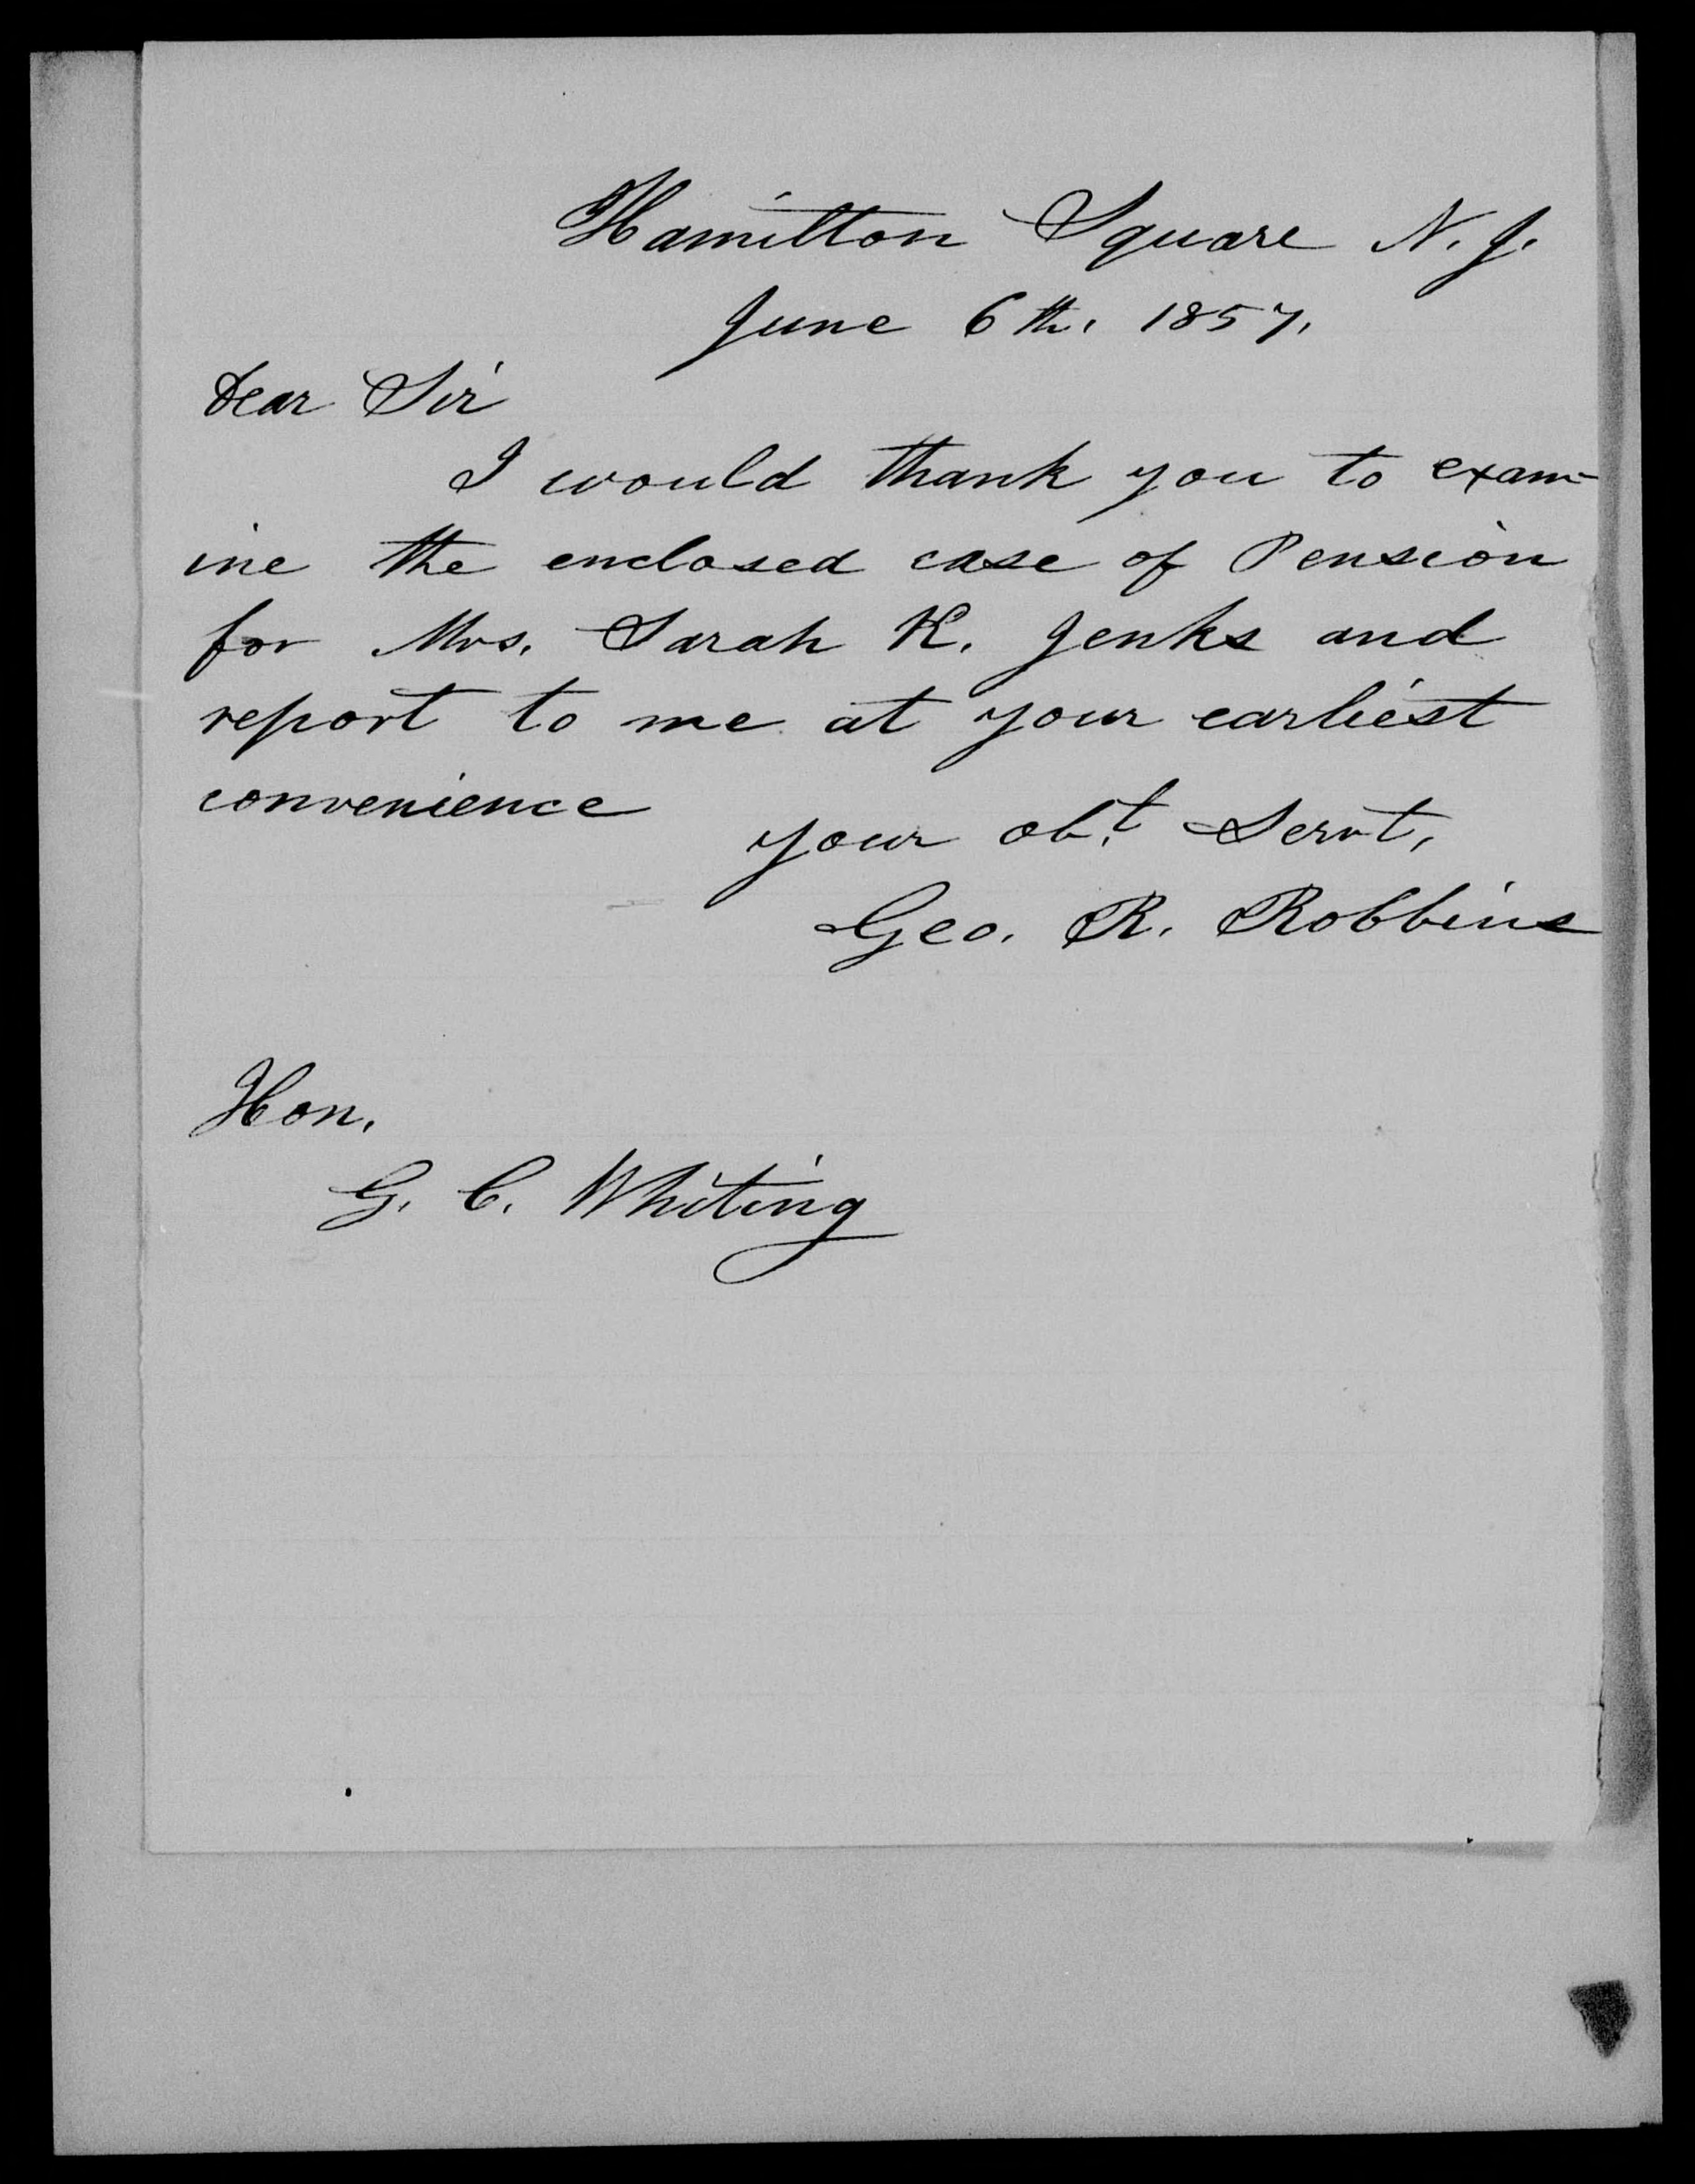Hamilton Square N.J.
June 6th 1857
Dear Sir
I would thank you to examine the enclosed case of Pension for Mrs. Sarah K. Jenks and report to me at your earliest convenience
your obedient servant
Geo. R. Robbins

Hon. G.C. Whiting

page: 20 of 25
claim: rejected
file: R. 10513, for Edward Thomas, New Jersey